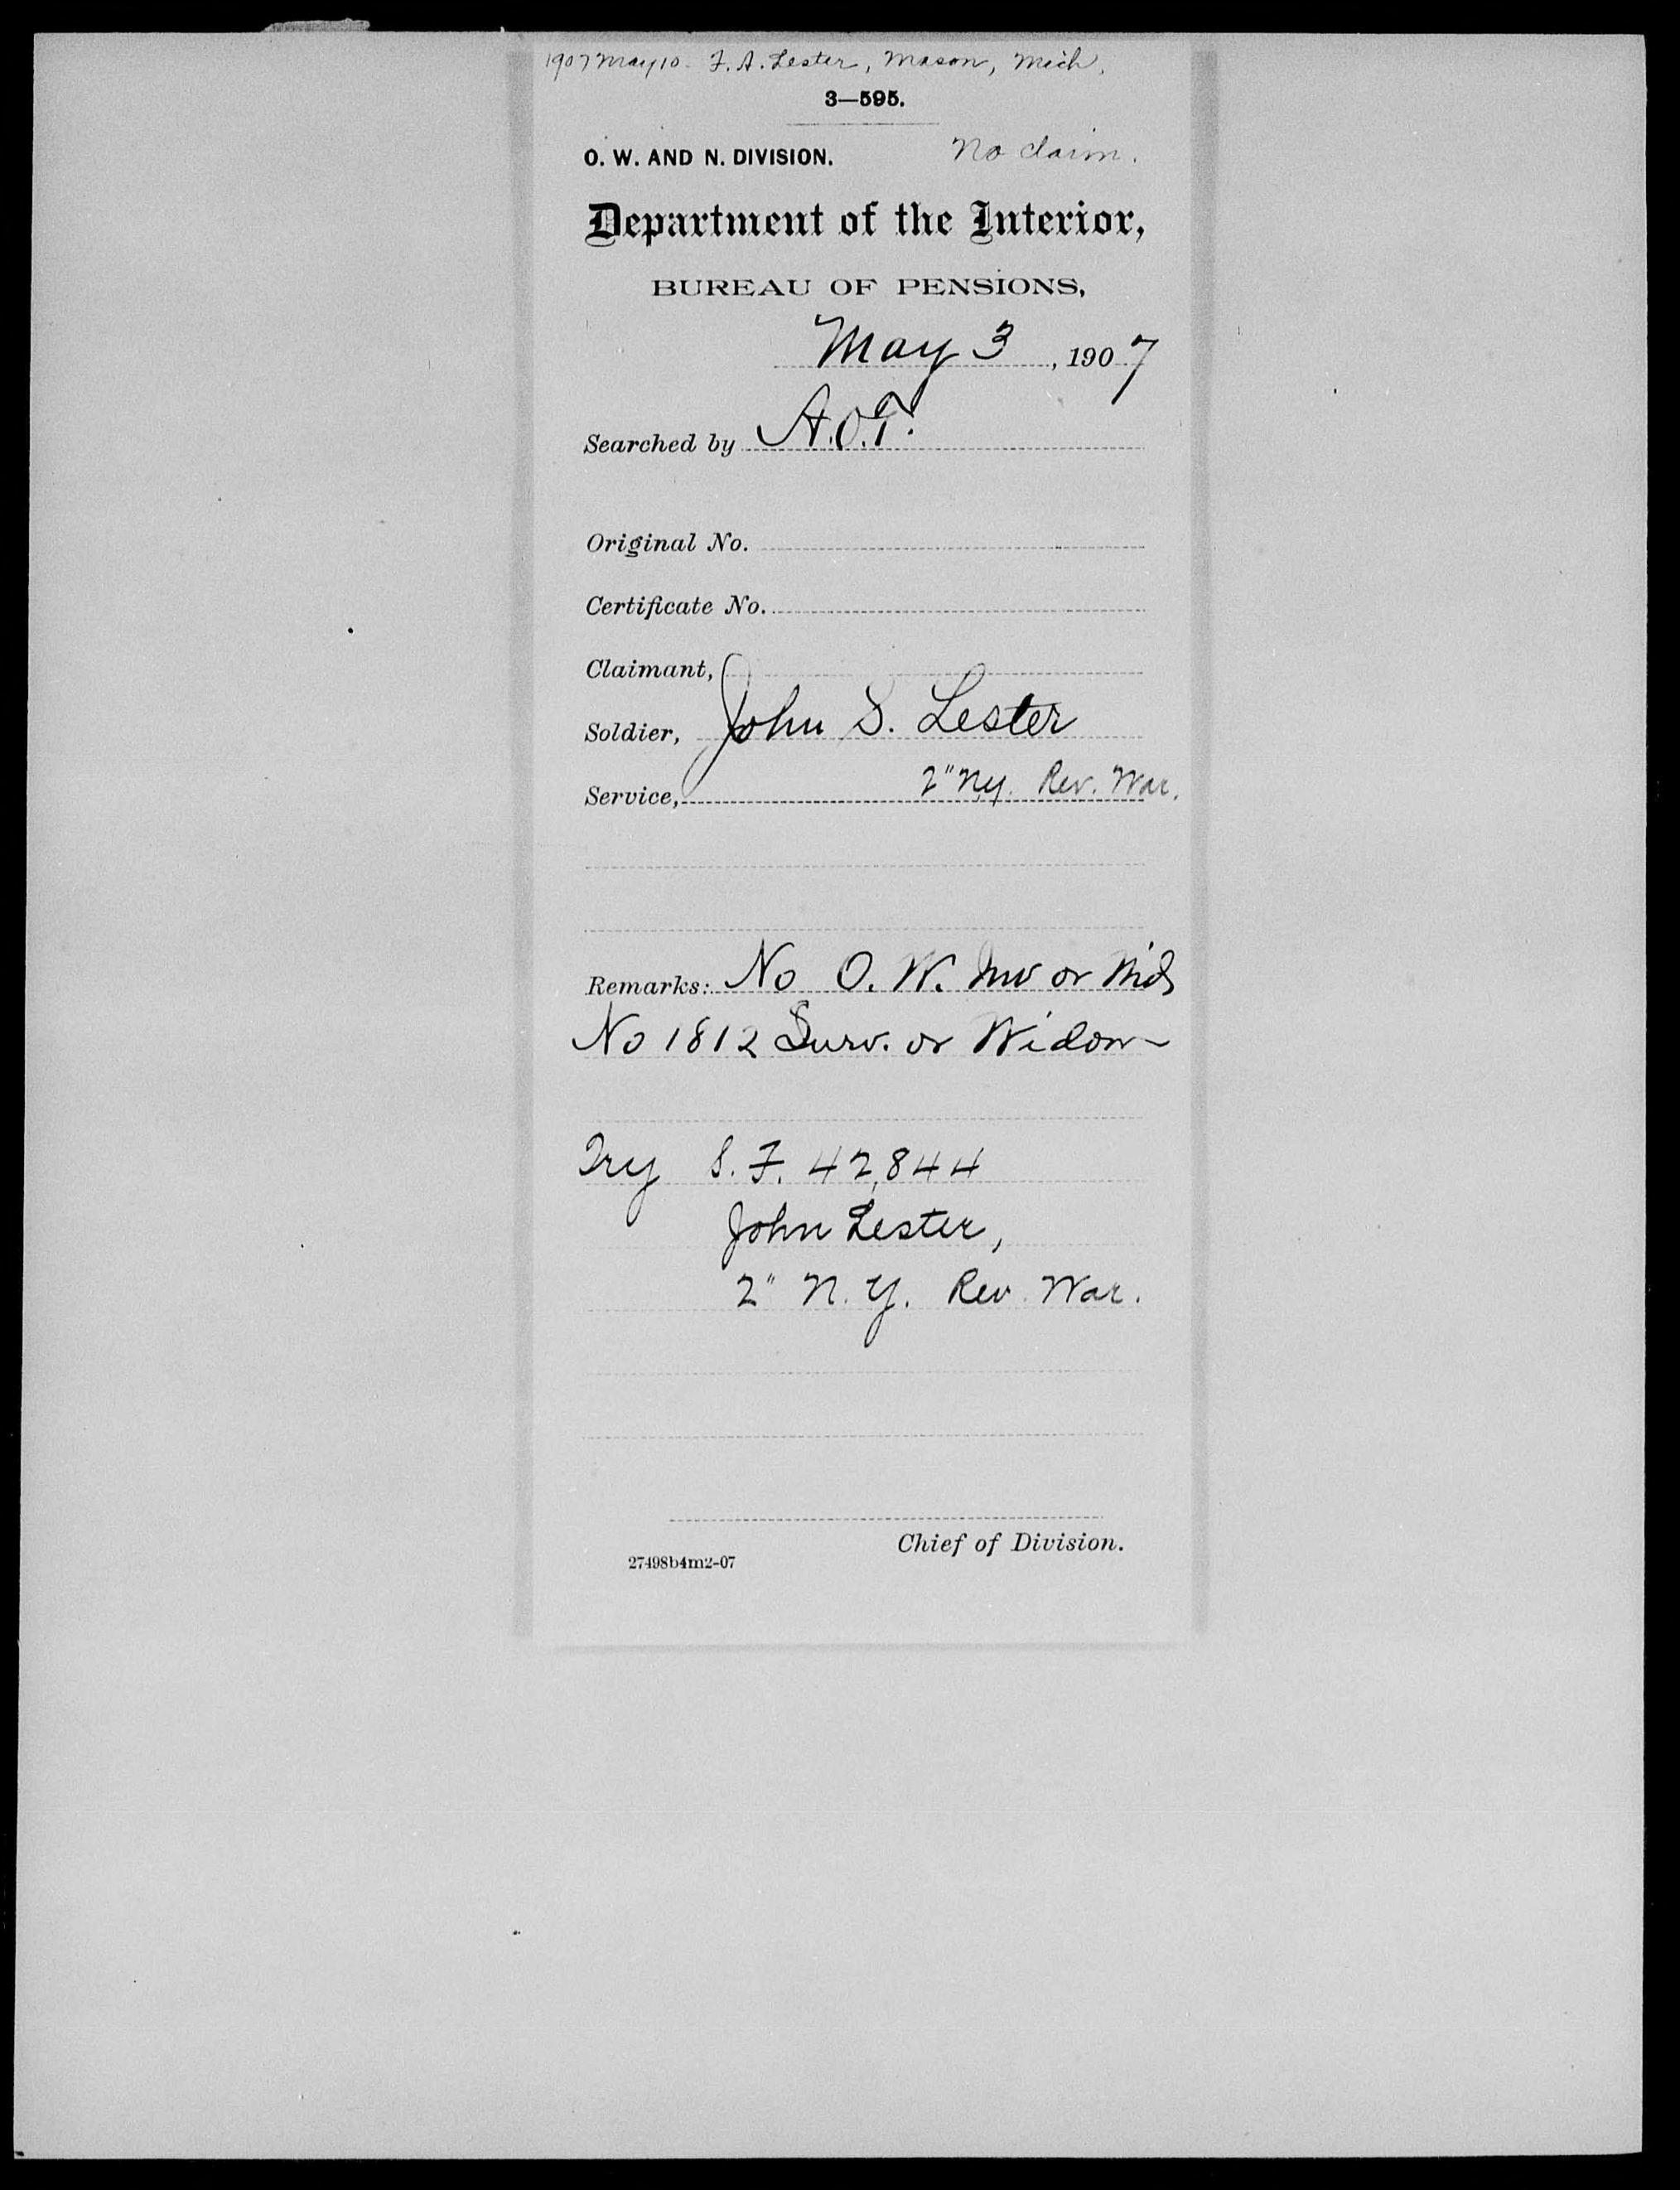1907 May 10. F. A. Lester, Mason, Mich 
3-595, 
O. W. AND N. DIVISION. No claim.
 Department of the Interior, 
BUREAU OF PENSIONS. 
May 3, 1907 
Searched by A.O.T. 
Original No. 
Certificate No. 
Claimant, 
Soldier, John S. Lester
Service, 2"N.Y. Rev. War. 
Remarks: No O. W. Inv or Wid No 1812 Surv. or Widow 
[illegible]ry S.F. 42,844 
John Lester,
2" N.Y. Rev. War. 
27498b4m2-07 Chief of Division.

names: F A Lester; John S Lester; John Lester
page: 12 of 14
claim: survivor's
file: S. 42844, for John Lester, New York